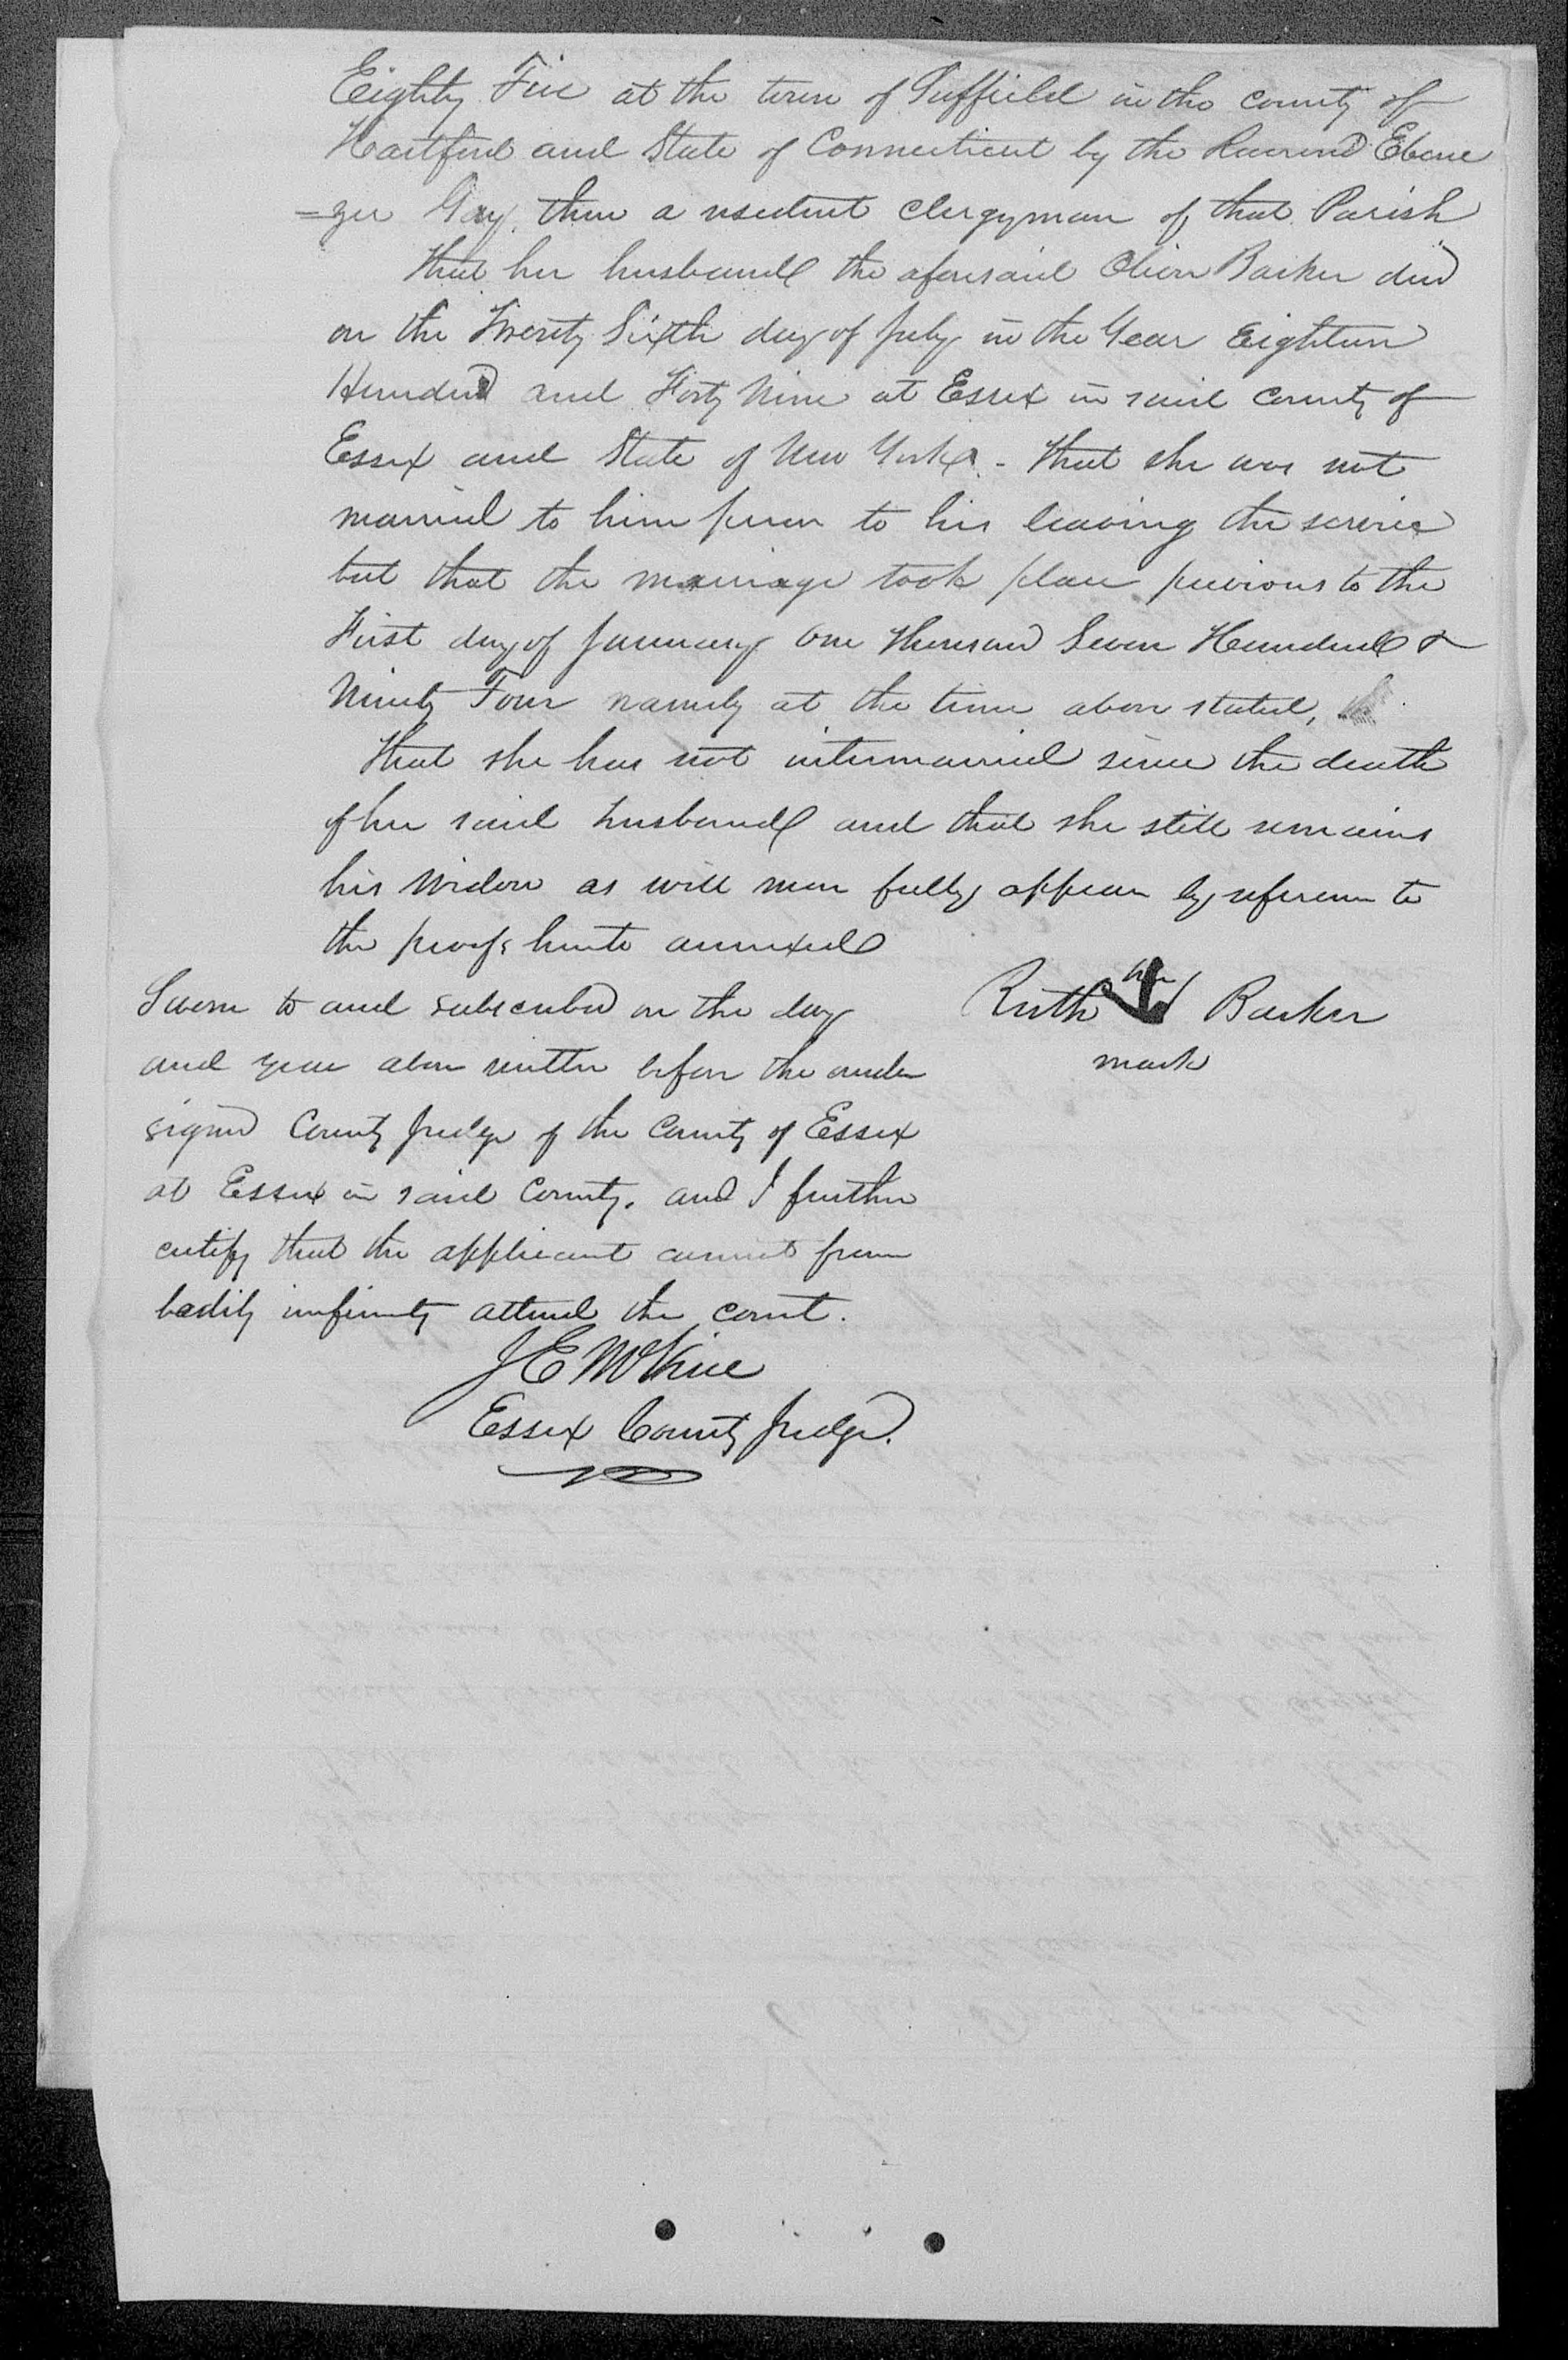Eighty five at the town of Suffield in the County of Hartford and State of Connecticut by the hand Ebenezer Gay then a resident clergyman of that Parish that her husband the aforesaid Oliver Barker died on the Twenty Sixth day of July in the year Eighteen Hundred and Forty Nine at Essex in said County of Essex and State of New York - that she was not married to him prior to his leaving the service but that the marriage took place previous to the First day of January one thousand Seven Hundred & ninety four namely at the time above stated, the that she has not intermarried since the death of her said husband and that she still remains his widow as will more fully appear by reference to the proof hereto annexed 
Ruth Barker her mark
Sworn to and subscribed on the day and year above written before the under Signed County Judge of the County of Essex at Essex in said County, and I further certify that the applicant cannot from bodily infirmity attend the court. 
J. E. McVine Essex County Judge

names: Ruth Barker, Oliver Barker, Ebenezer Gay, J E Mc Vine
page: 13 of 51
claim: widow's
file: W. 1698, Oliver Barker, Conn.